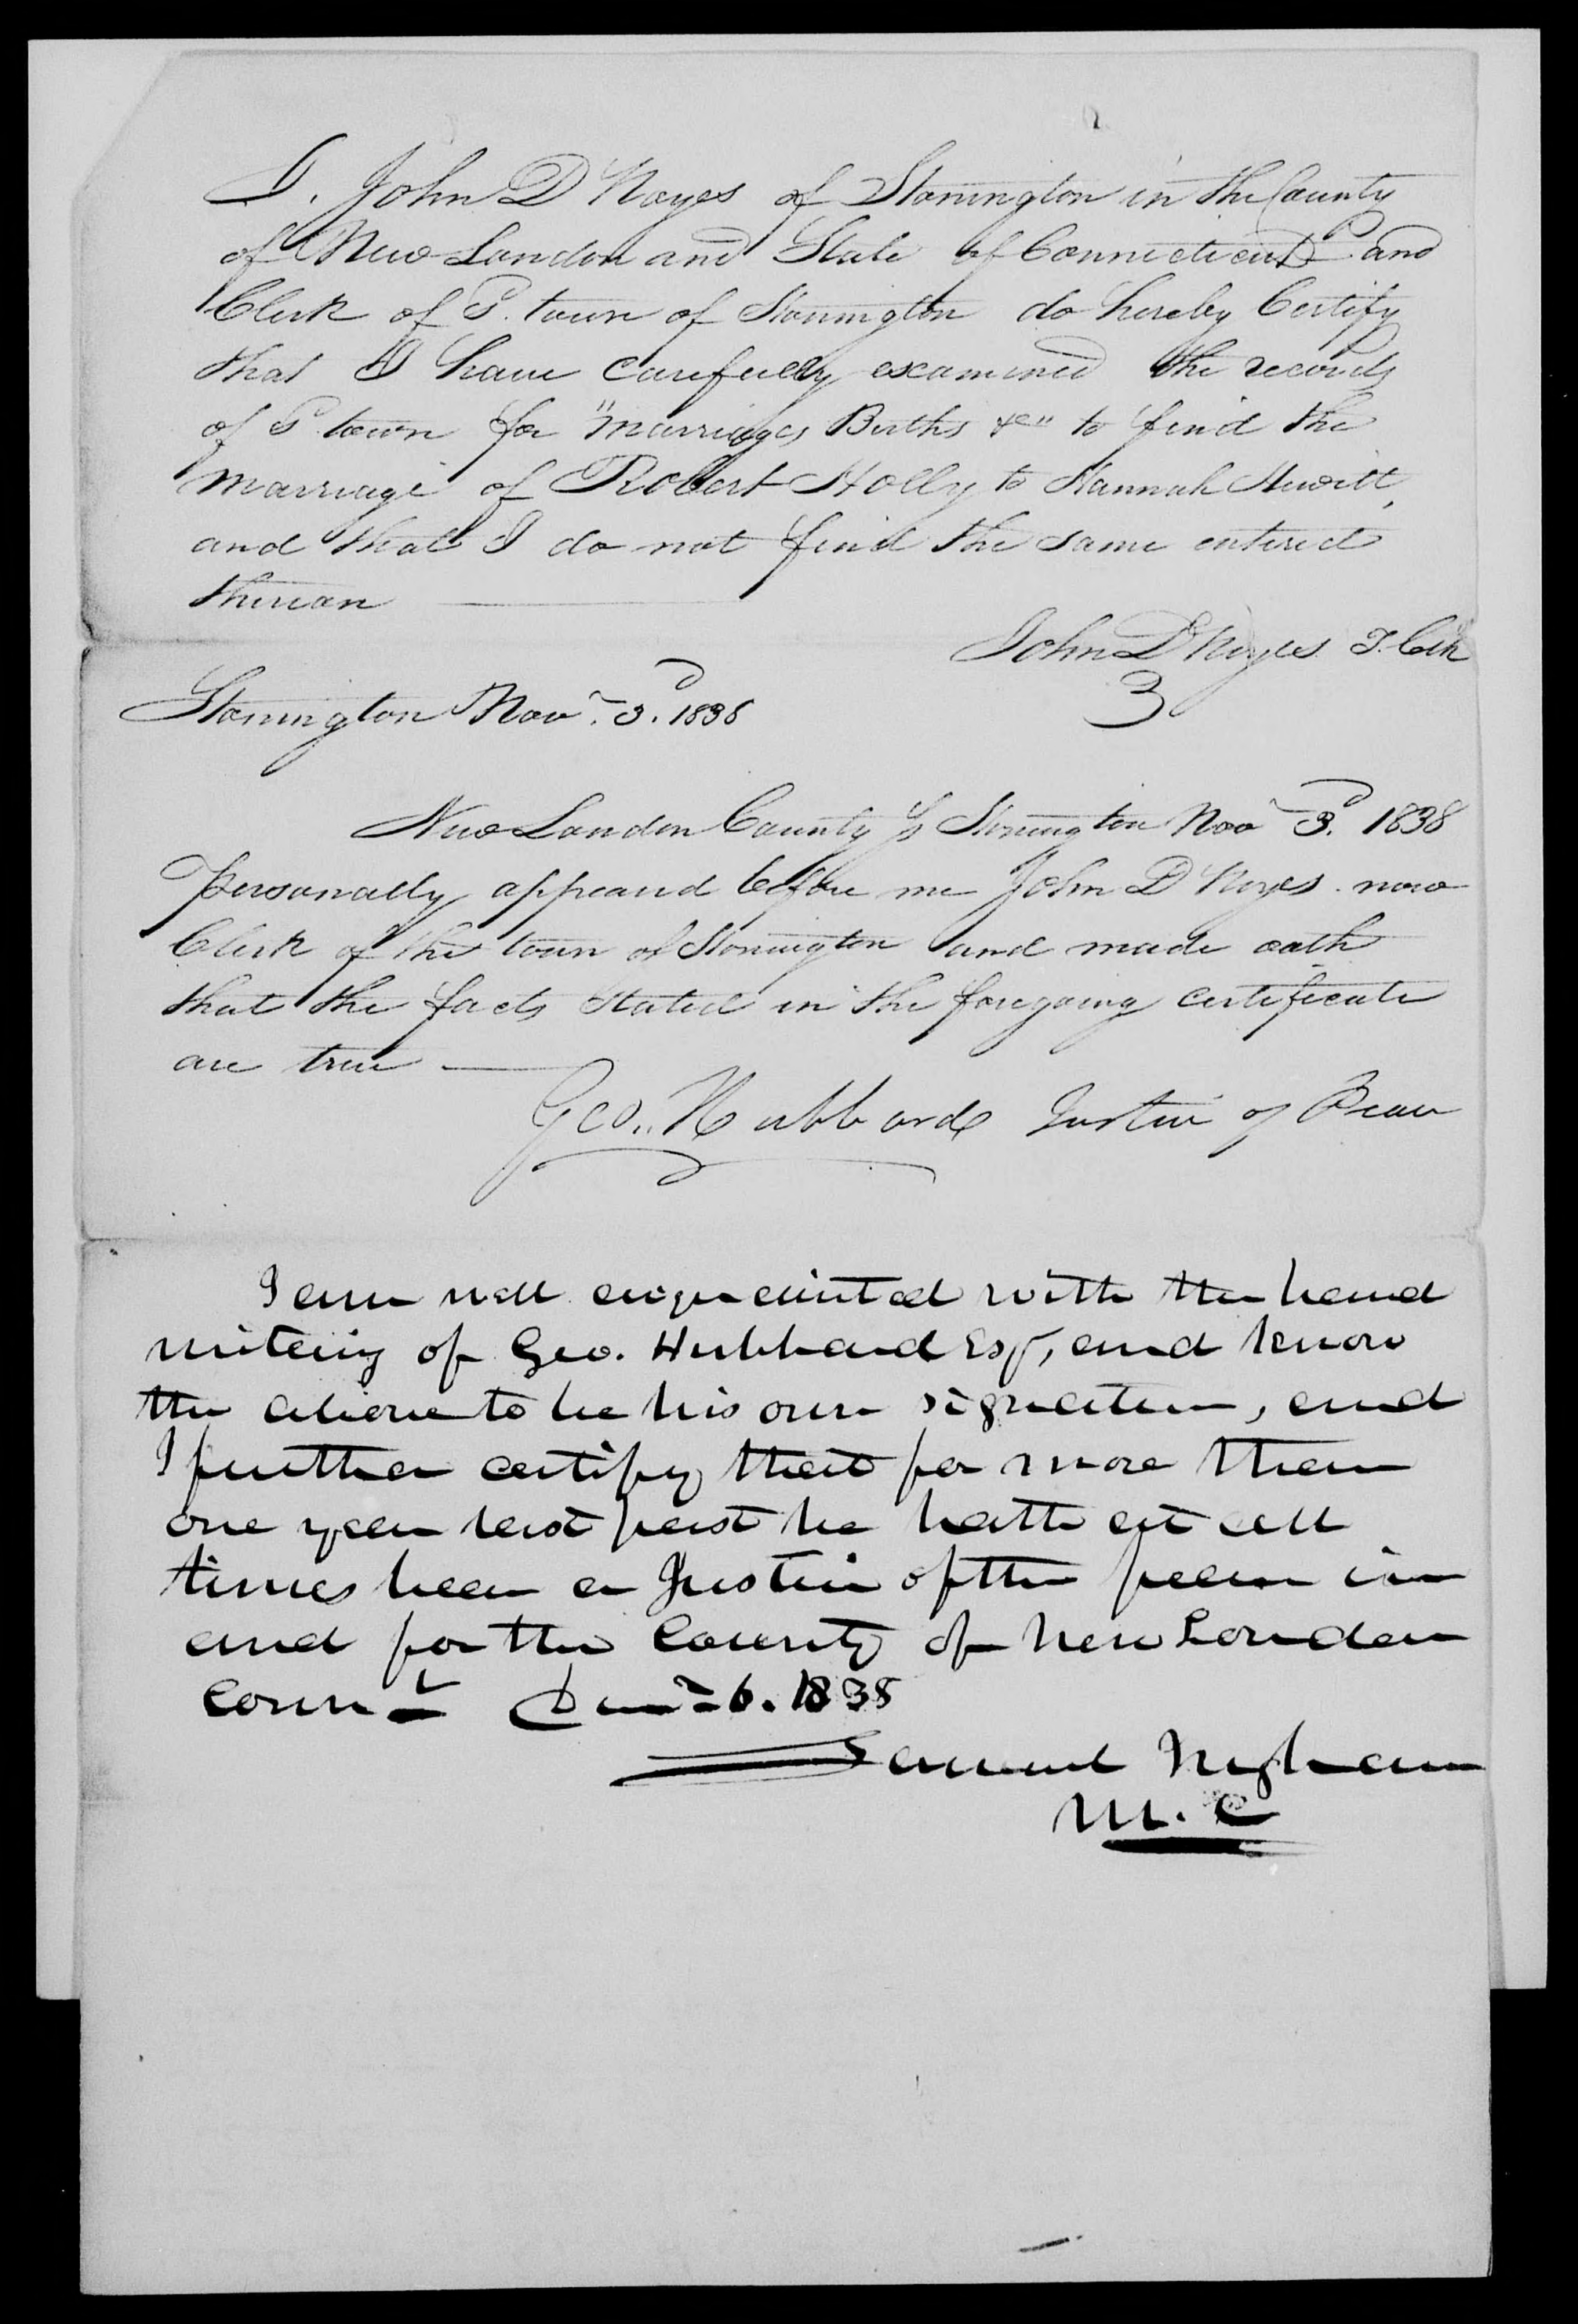John D Noyes of Stonington in the County
of New London and State of Connecticut and
Clerk of town of Stonington do hereby certify
that I have carefully examined the records
of town for Marriages Births &c" to find the
Marriage of Robert Holly to Hannah Hewitt
and that I do not find the same interest
thereon
Stonington Novr 3. 1838
John D Noyes T. Clerk
New London County Symington Nov 3, 1838
personally appeared before me John D Noyes now Clerk of the town of Stonington and made oath that the facts stated in the foregoing certificate are true.
Geo. Hubbard Justice of Peace
I am well acquainted with the hand
writing of Geo. Hubbard Esq, and know
the above to be his own signation, and
further certify that for more than
one year last past he hath at sell
times heard a notice of the peace in
and for the County of New London Connt [Connecticut]
Decr 6. 1838
Samuel Nighan
[illegible]. C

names: John D Noyes, Geo Hubbard, Geo Hubbard, John D Noyes, Hannah Hewitt, John D Noyes, Robert Holly, Samuel Nighan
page: 61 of 62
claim: widow's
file: W. 21391, Robert Holley, Conn.